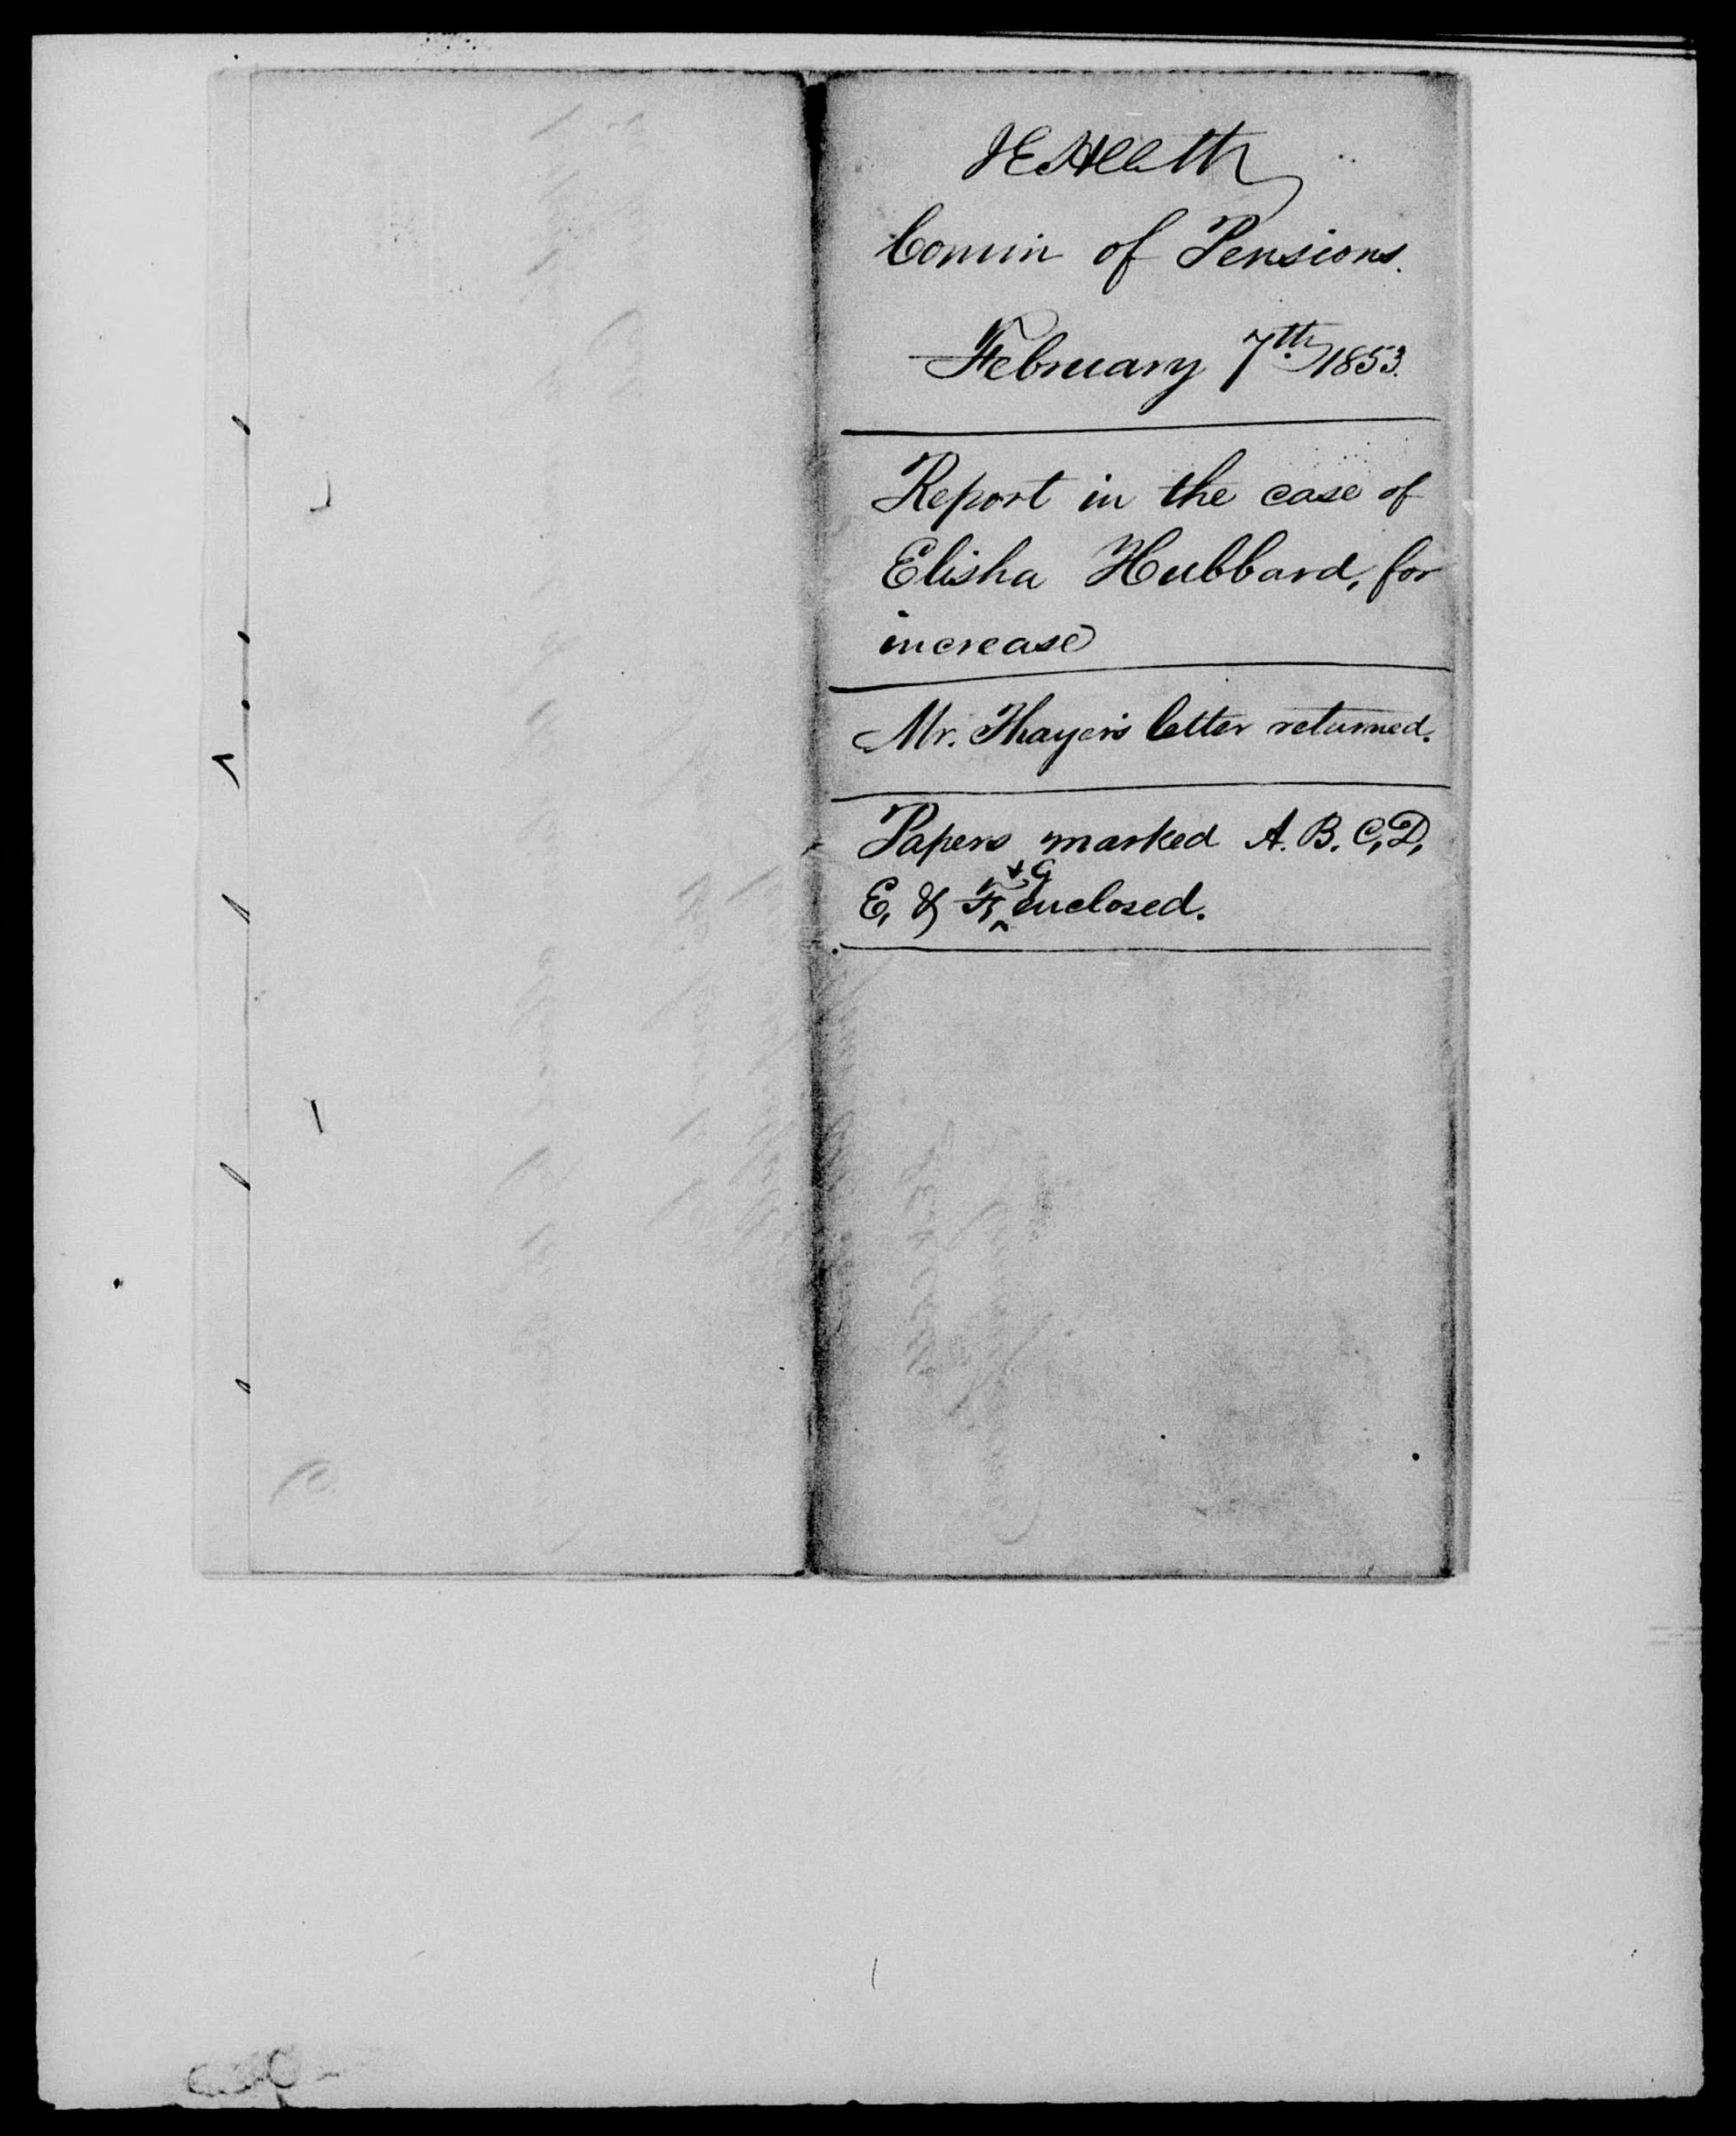J. E Heath

Comm of Pensions.

February 7th 1853

Report in the case of Elisha Hubbard, for increase

Mr. Thayer's letter returned

Papers maked A. B. C. D. E. & F & G enclosed.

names: Elisha Hubbard, J E Heath, Thayer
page: 47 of 63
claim: survivor's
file: S. 18457, Elisha Hubbard, Conn. Continental